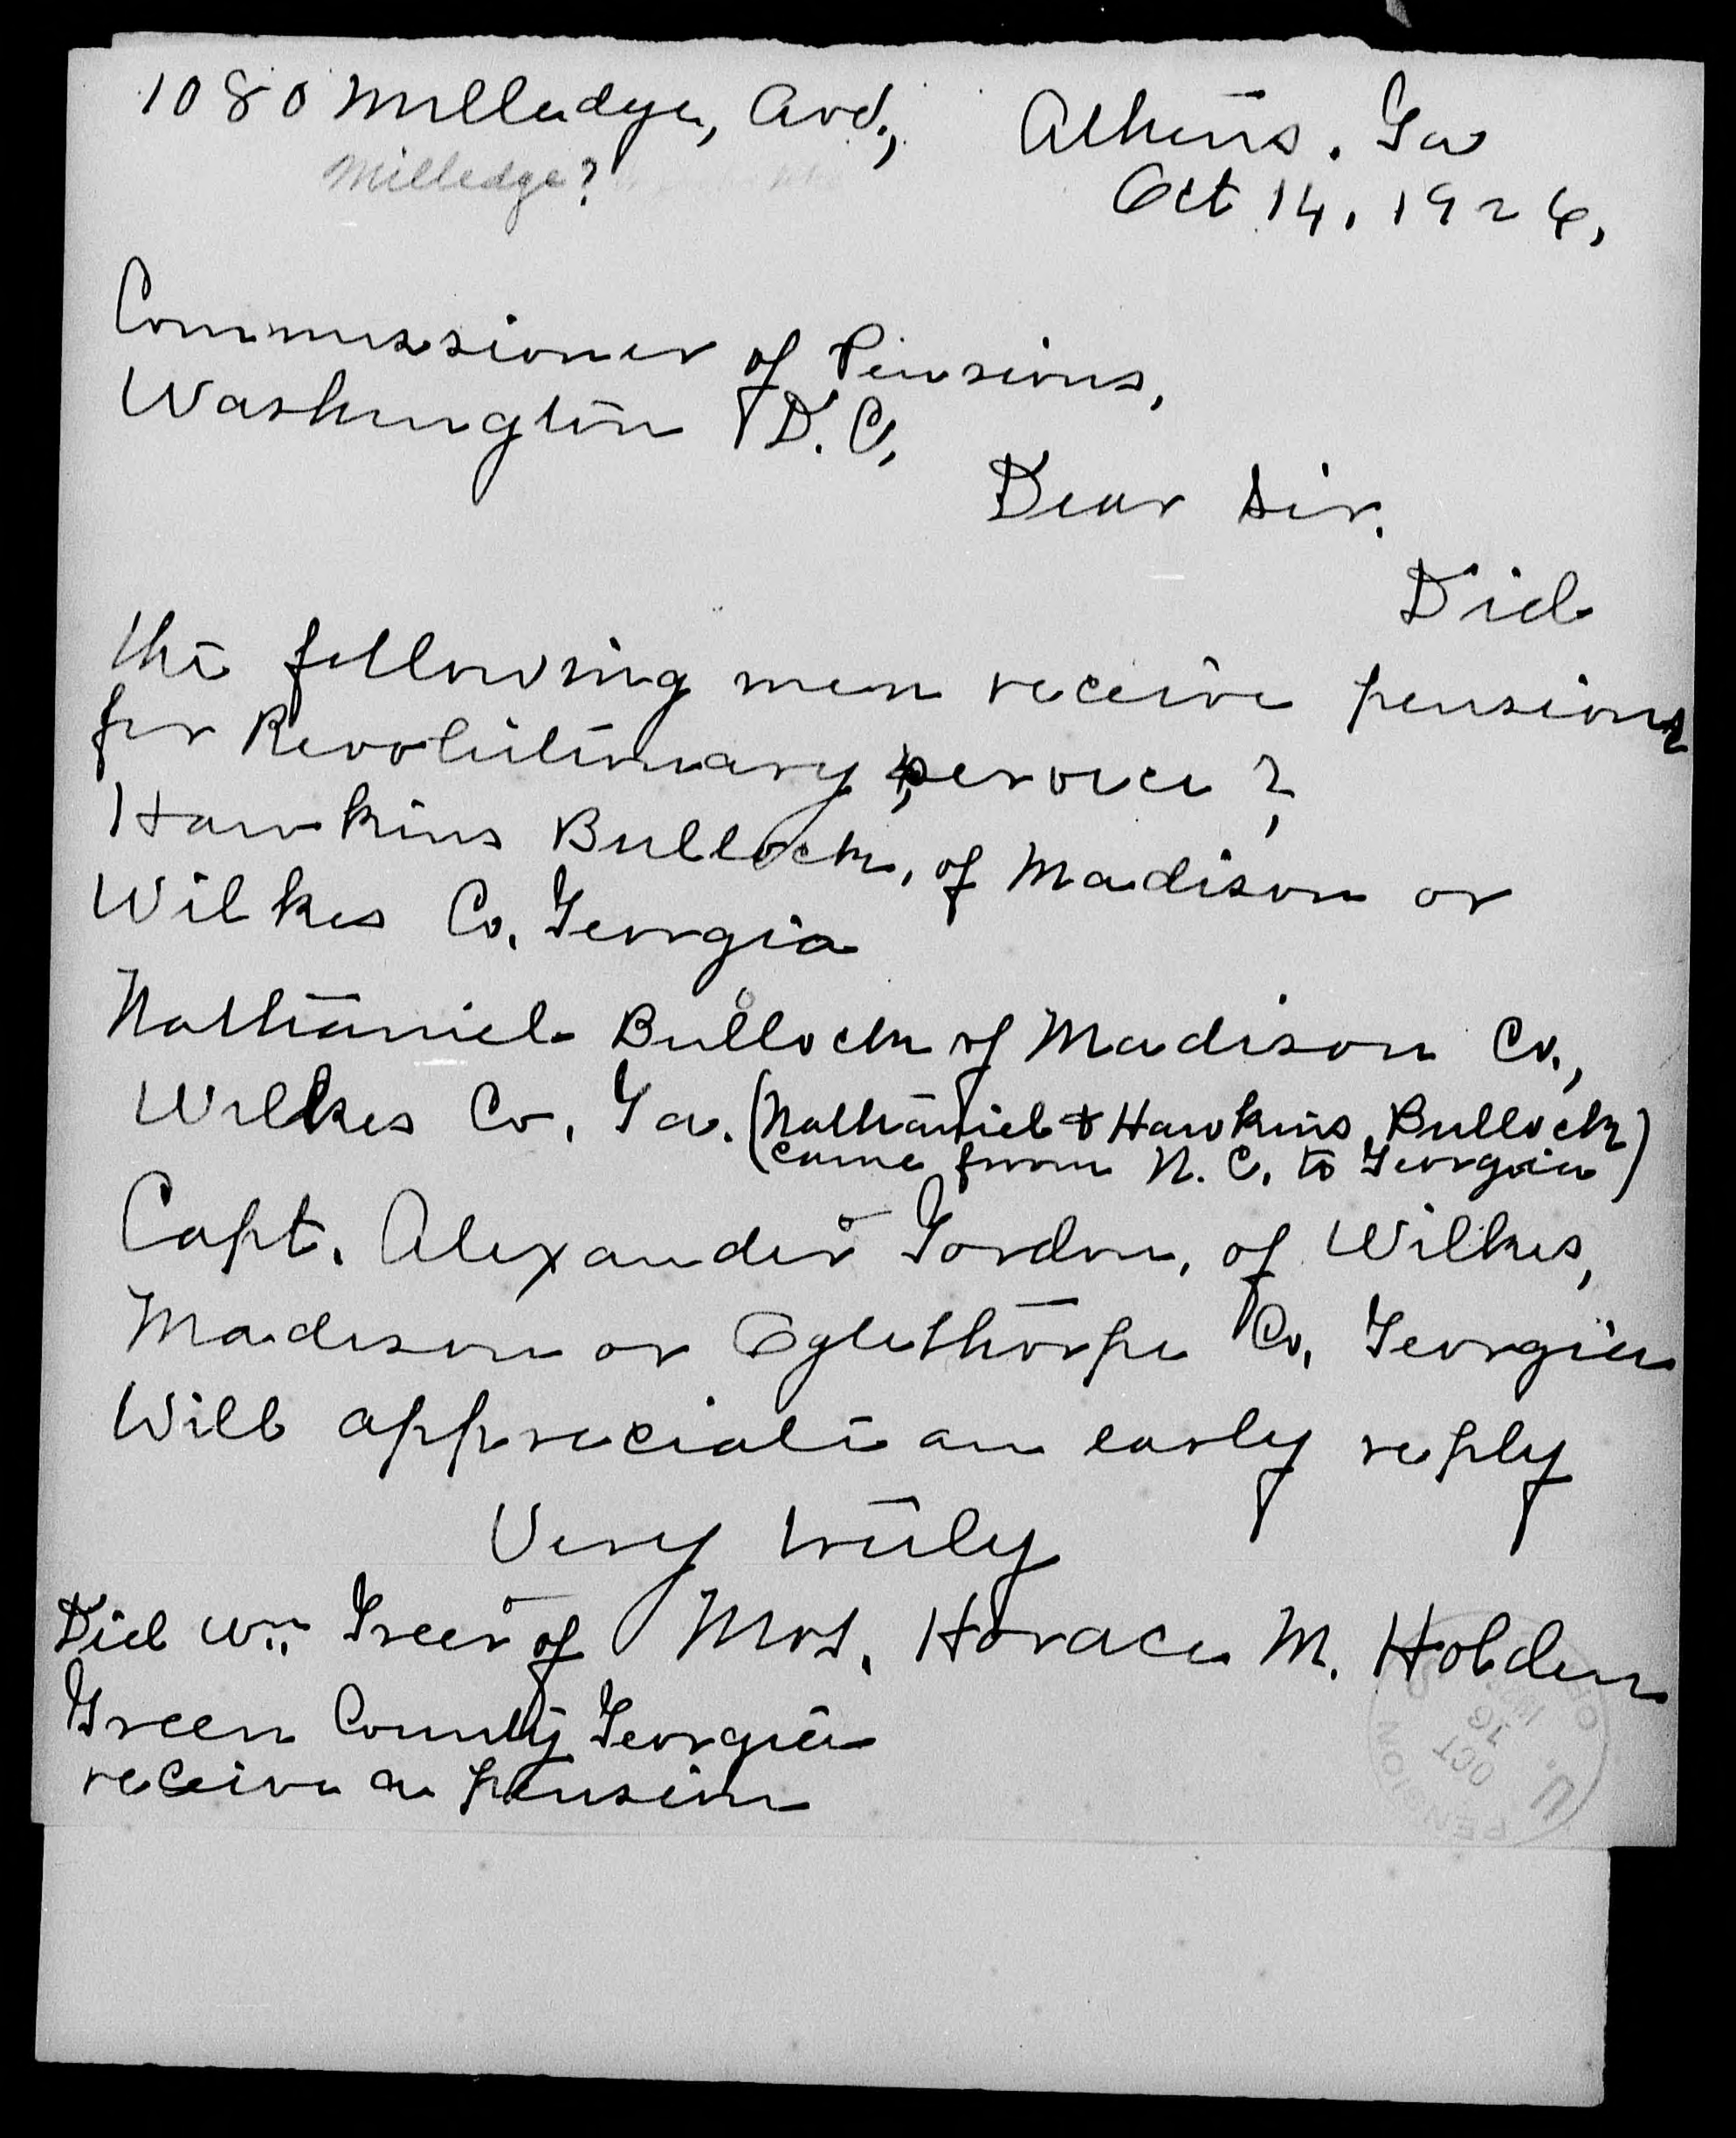1080 Milledge, Ave., Athens, Ga
Oct 14, 1926,

Commissioner of Pensions
Washington D.C

Dear Sir,
Did the following men receive pension for Revolutionary service?
Hawkins Bullock of Madison or Wilkes Co. Georgia
Nathaniel Bullock of Madison Co., Wilkes Co. Ga.  (Nathaniel & Hawkins Bullock came from N.C. to Georgia)
Capt. Alexander Gordon of Wilkes, Madison or Oglethorpe Co. Georgia
Will appreciate an early reply
Ving truly
Mrs. Horace M. Holden

Did Wm Greer of Green County Georgia receive a pension

[stamp] U.S. PENSION OFFICE OCT 16 1926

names: Nathaniel Bullock, Horace M Holden, Nathaniel Bullock, Alexander Gordon, Hawkins Bullock, Hawkins Bullock, Wm Greer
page: 19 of 24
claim: survivor's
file: S. 31,586, Hawkins Bullock, S.C.